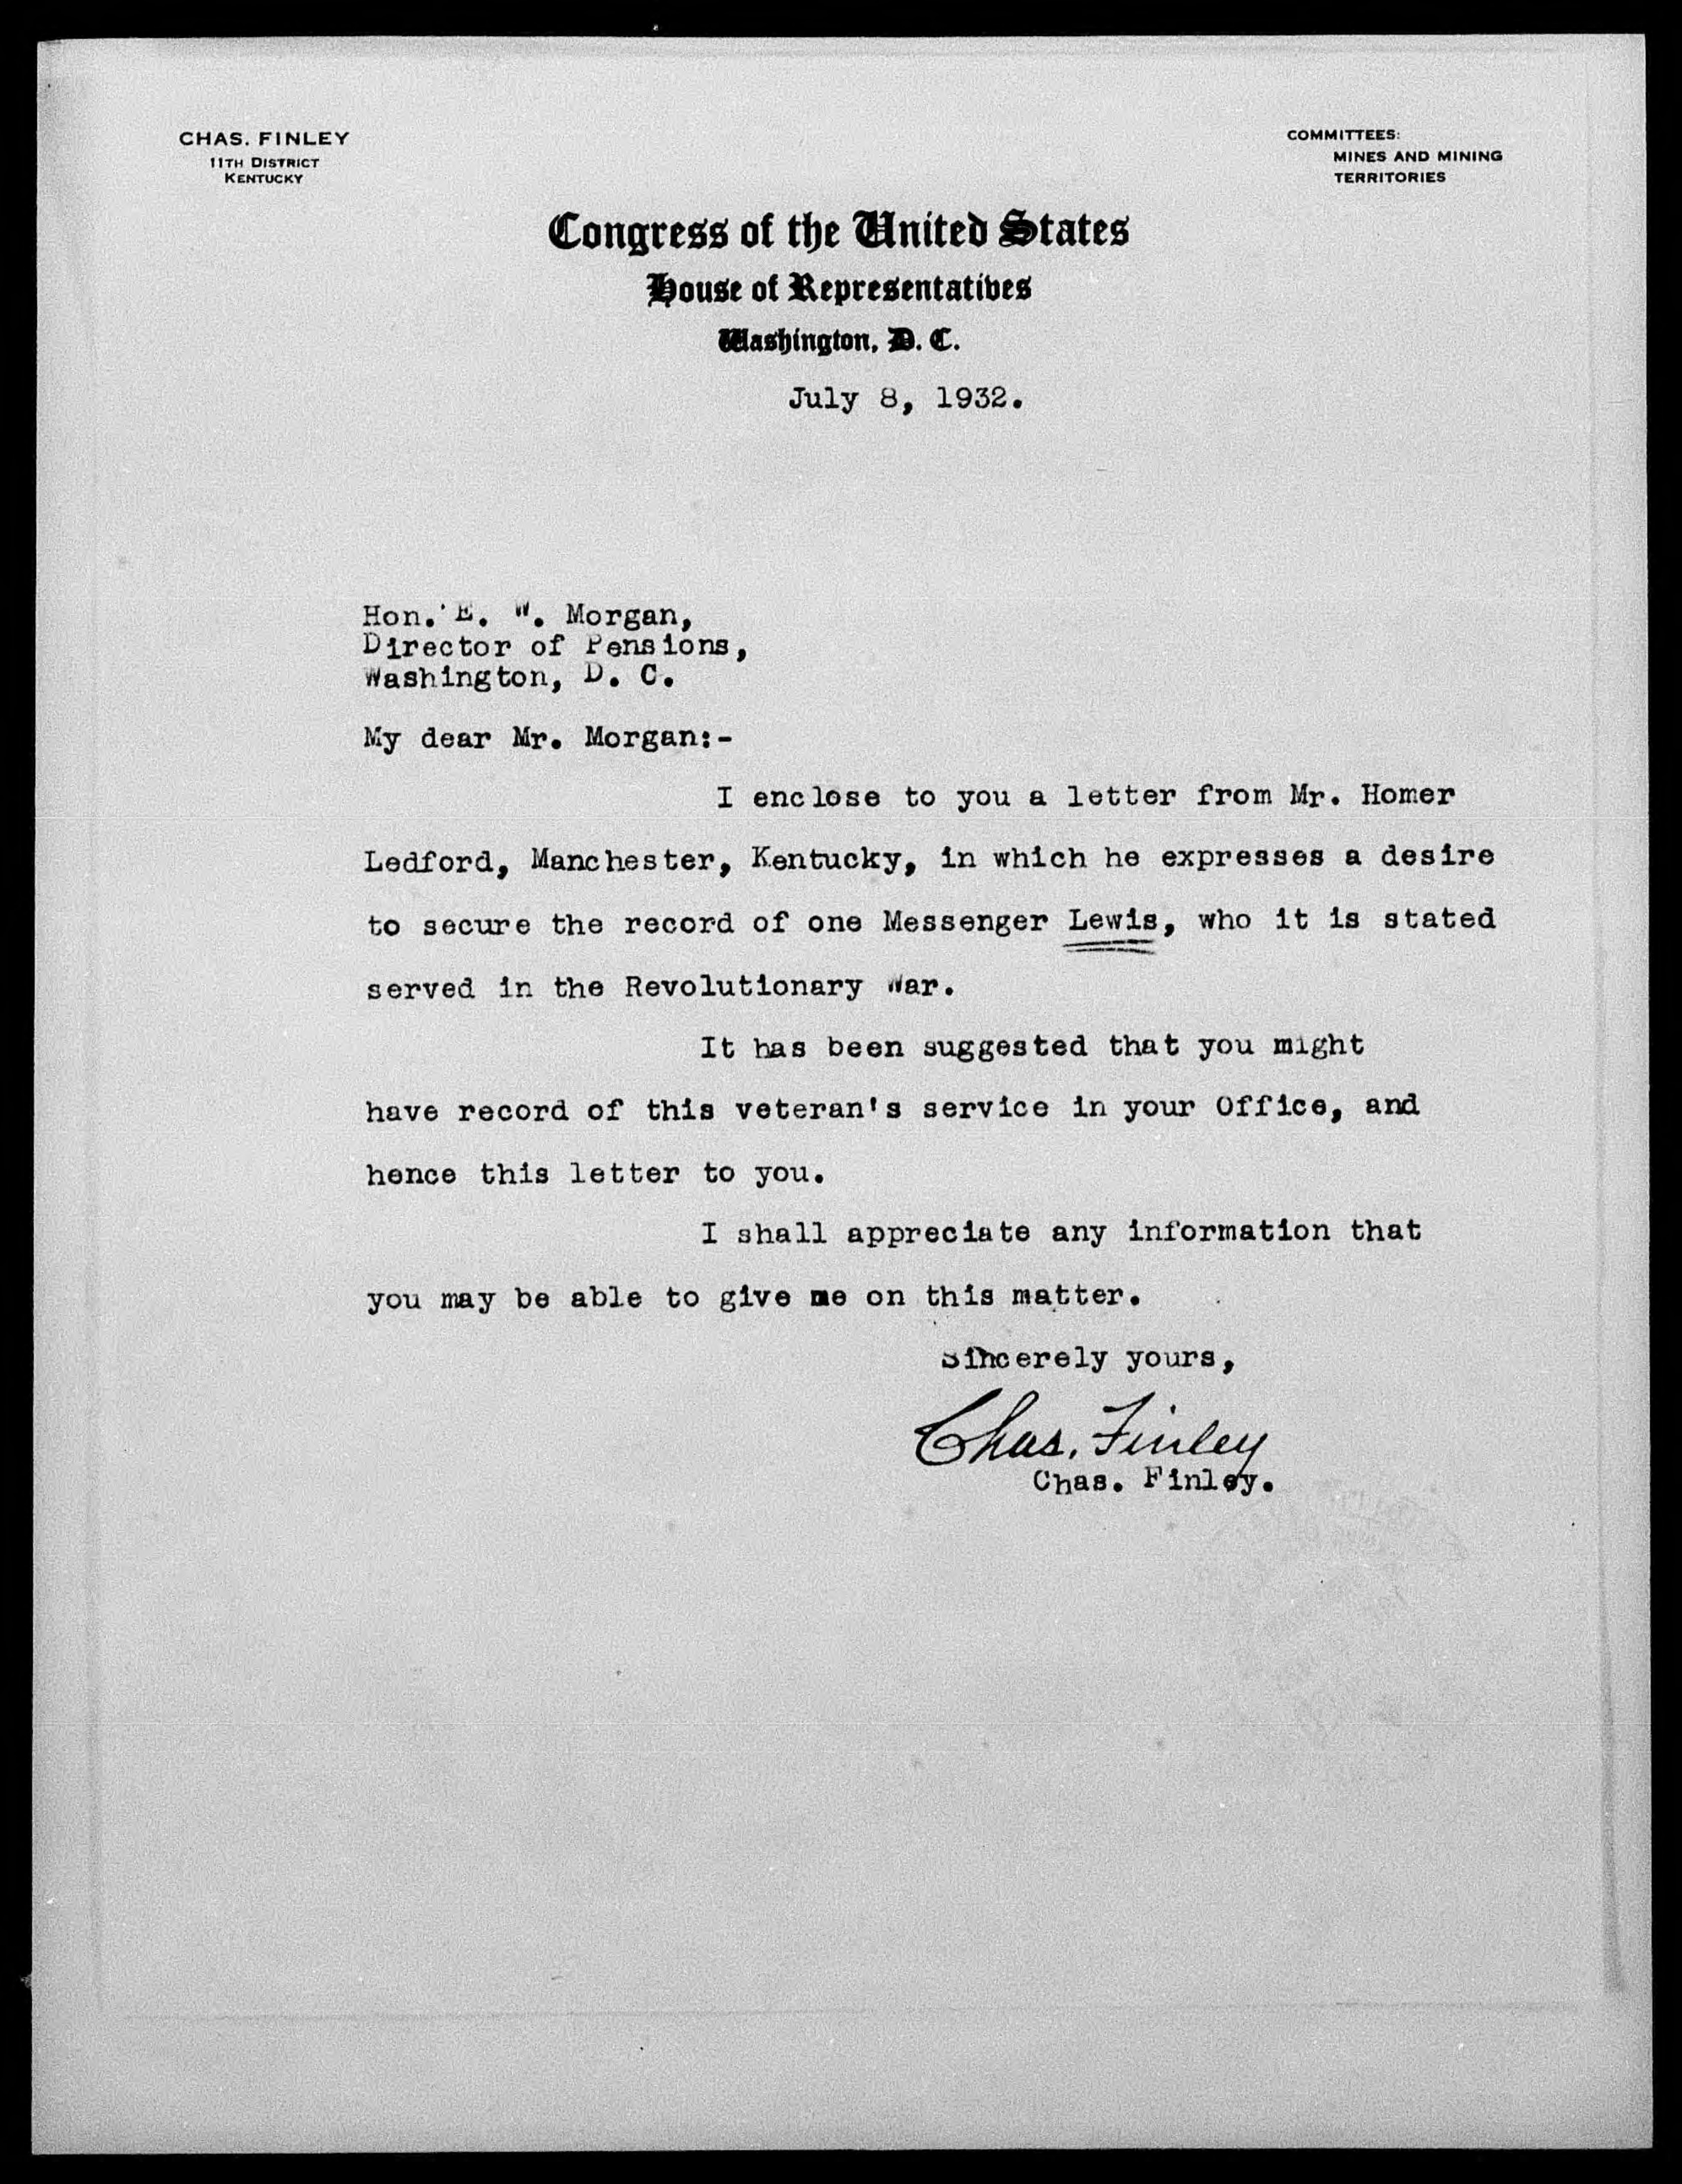CHAS. FINLEY 
11TH DISTRICT 
KENTUCKY 
Congress of the United States 
House of Representatives 
Washington, D.C. 
July 8, 1932.
COMMITTEES: MINES AND MINING TERRITORIES
Hon. E.W. Morgan, 
Director of Pensions, 
Washington, D. C. 
My dear Mr. Morgan:- 
I enclose to you a letter from Mr. Homer Ledford, Manchester, Kentucky, in which he expresses a desire to secure the record of one Messenger Lewis, who it is stated served in the Revolutionary War. 
It has been suggested that you might have record of this veteran's service in your Office, and hence this letter to you. 
I shall appreciate any information that you may be able to give me on this matter. 
Sincerely yours, 
Chas. Finley 
Chas. Finley.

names: Messenger Lewis; Homer Ledford; E W Morgan; Chas Finley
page: 11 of 12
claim: survivor's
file: S. 31207, for Messenger Lewis, Connecticut